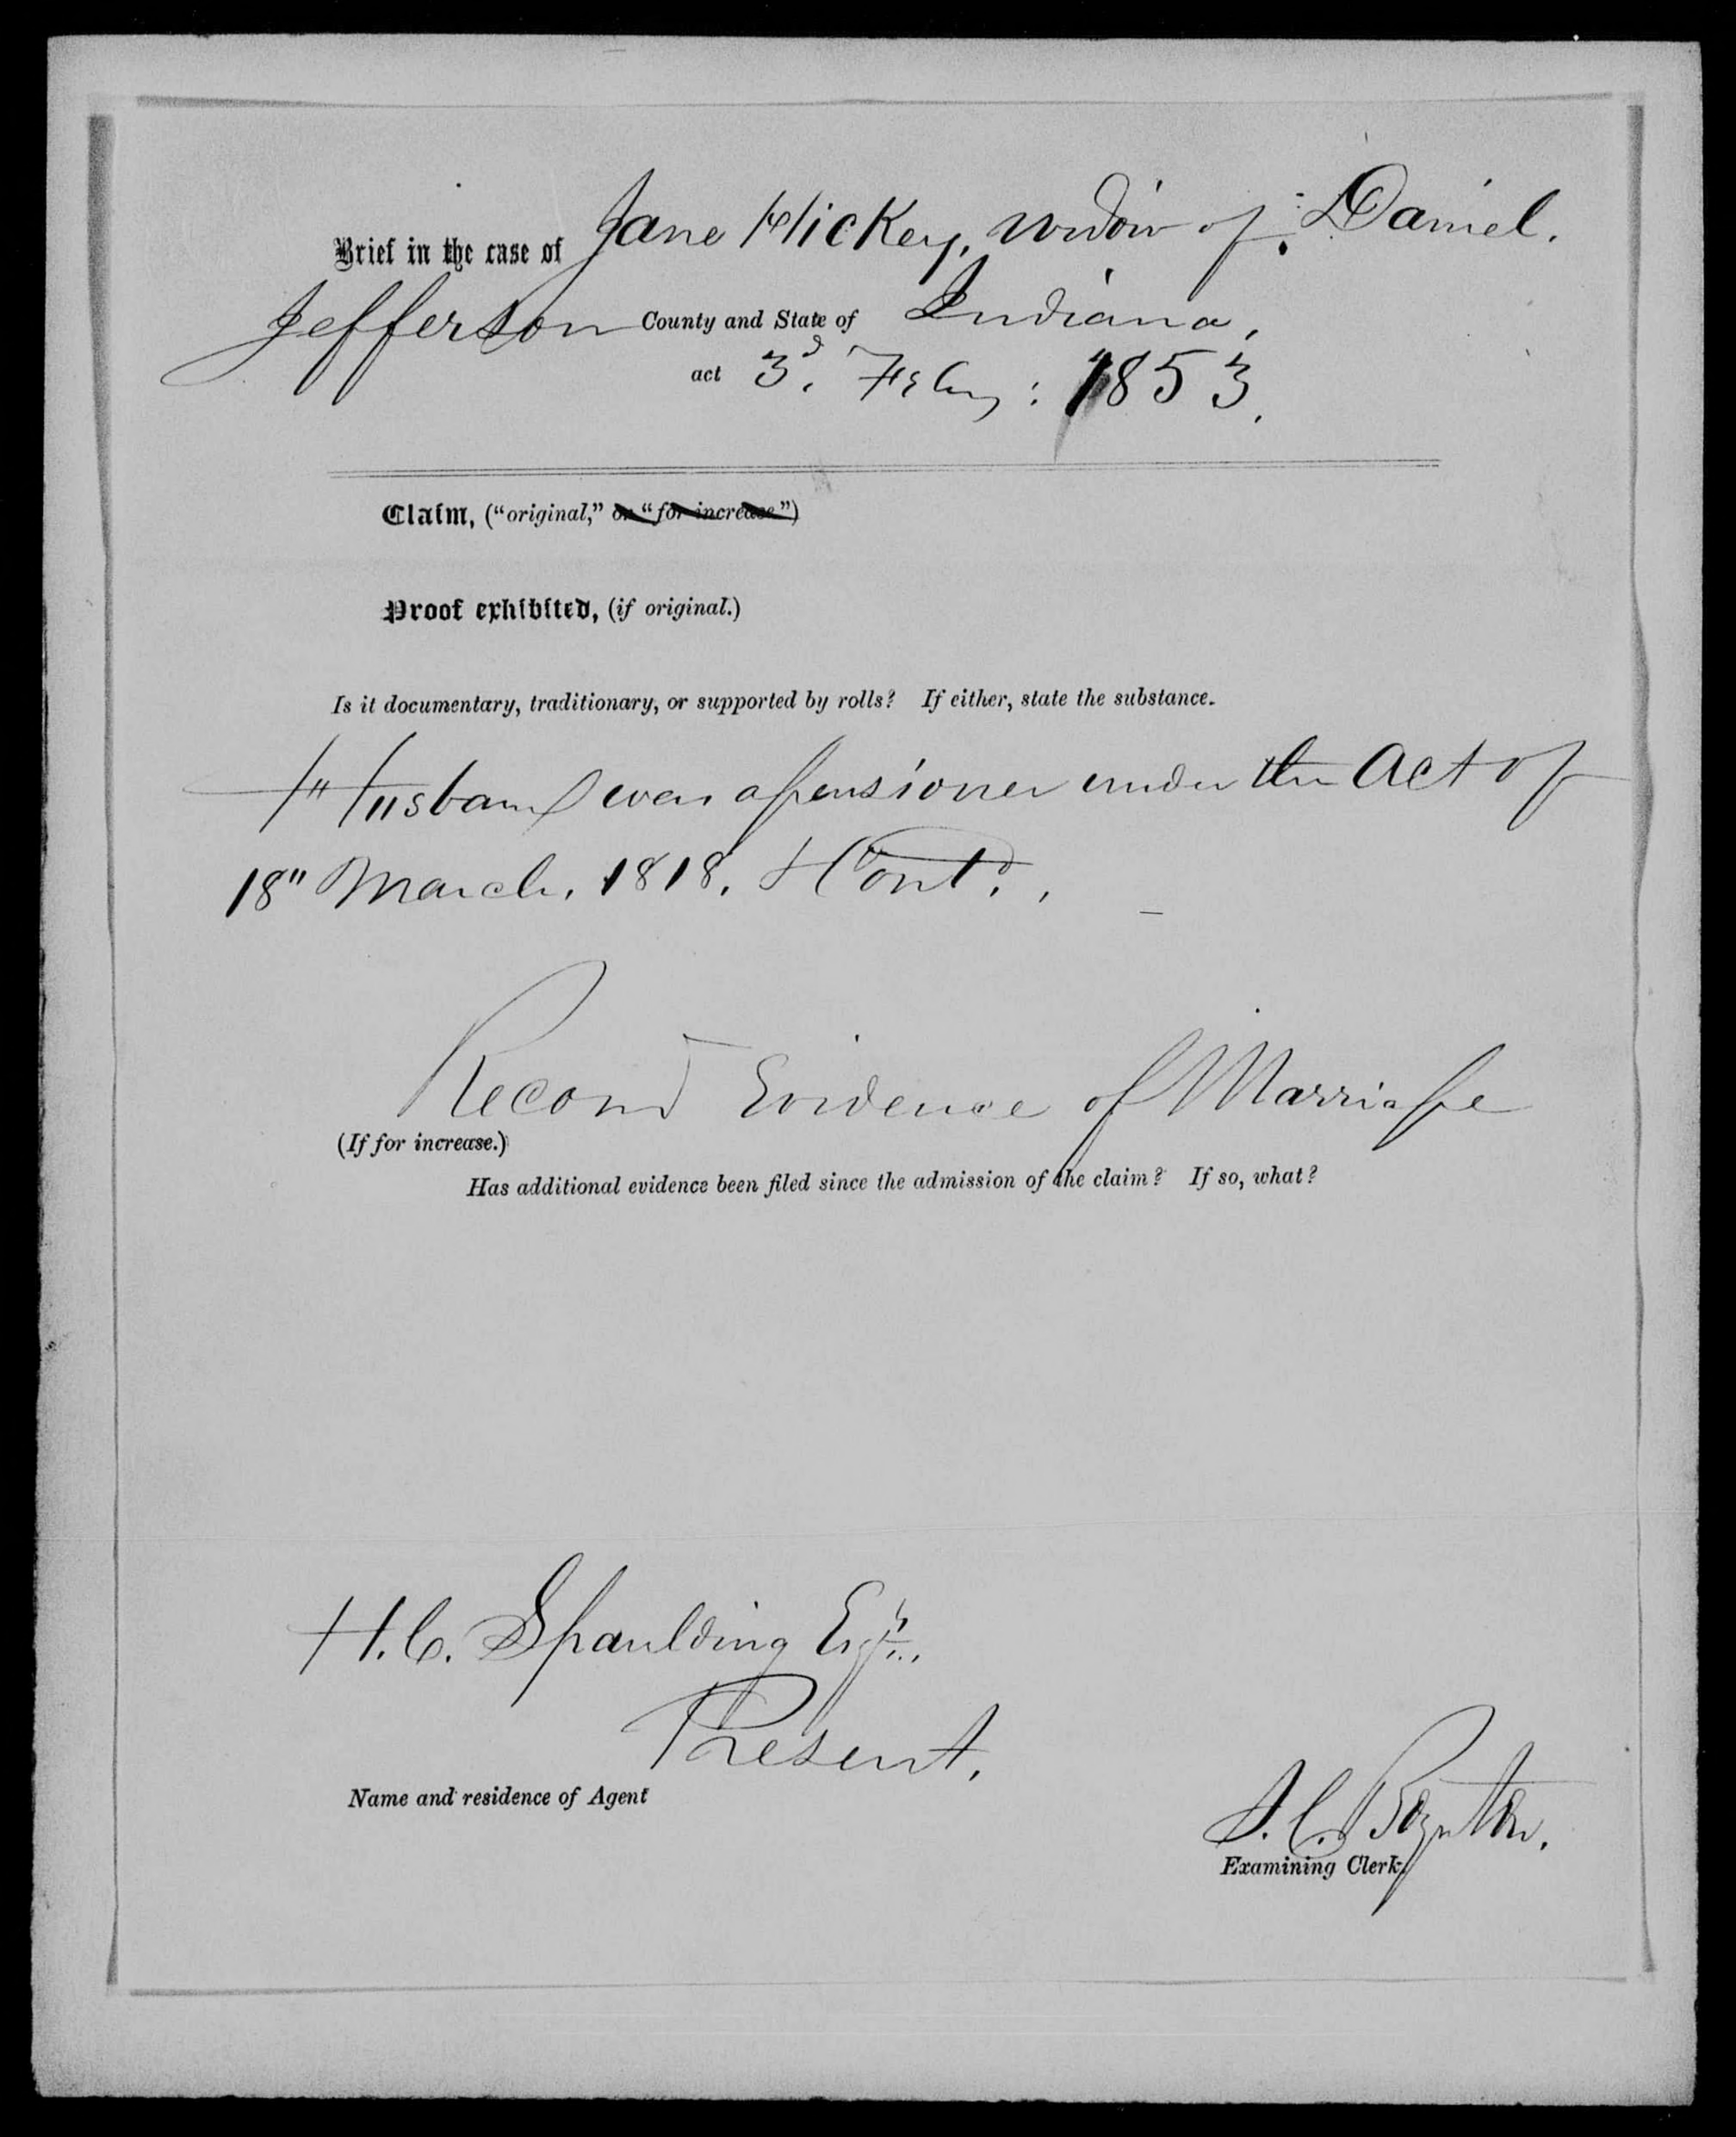Brief in the case of Jane Hickey, widow of Daniel.
Jefferson County and state of Indiana
act 3rd Febr. 1853
Claim, (original, [or "for increase") crossed out]
Proof exhibited, (if original.)
Is it documentary, traditionary, or supported by rolls? If either, state the substance.
Husband was a pensioner under the act of
18" March, 1818, & Cont'd
Record Evidence of Marriage
(If for increase.)
Has additional evidence been filed since the admission of the claim? If so, what?
H. C. Spaulding Esqr
Present.
Name and residence of Agent
S.C. Boynton.
Examining Clerk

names: H C Spaulding, Jane Hickey, Daniel Jefferson, S C Boynton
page: 78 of 84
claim: widow's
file: W. 7744, Daniel Hickey, Penn.